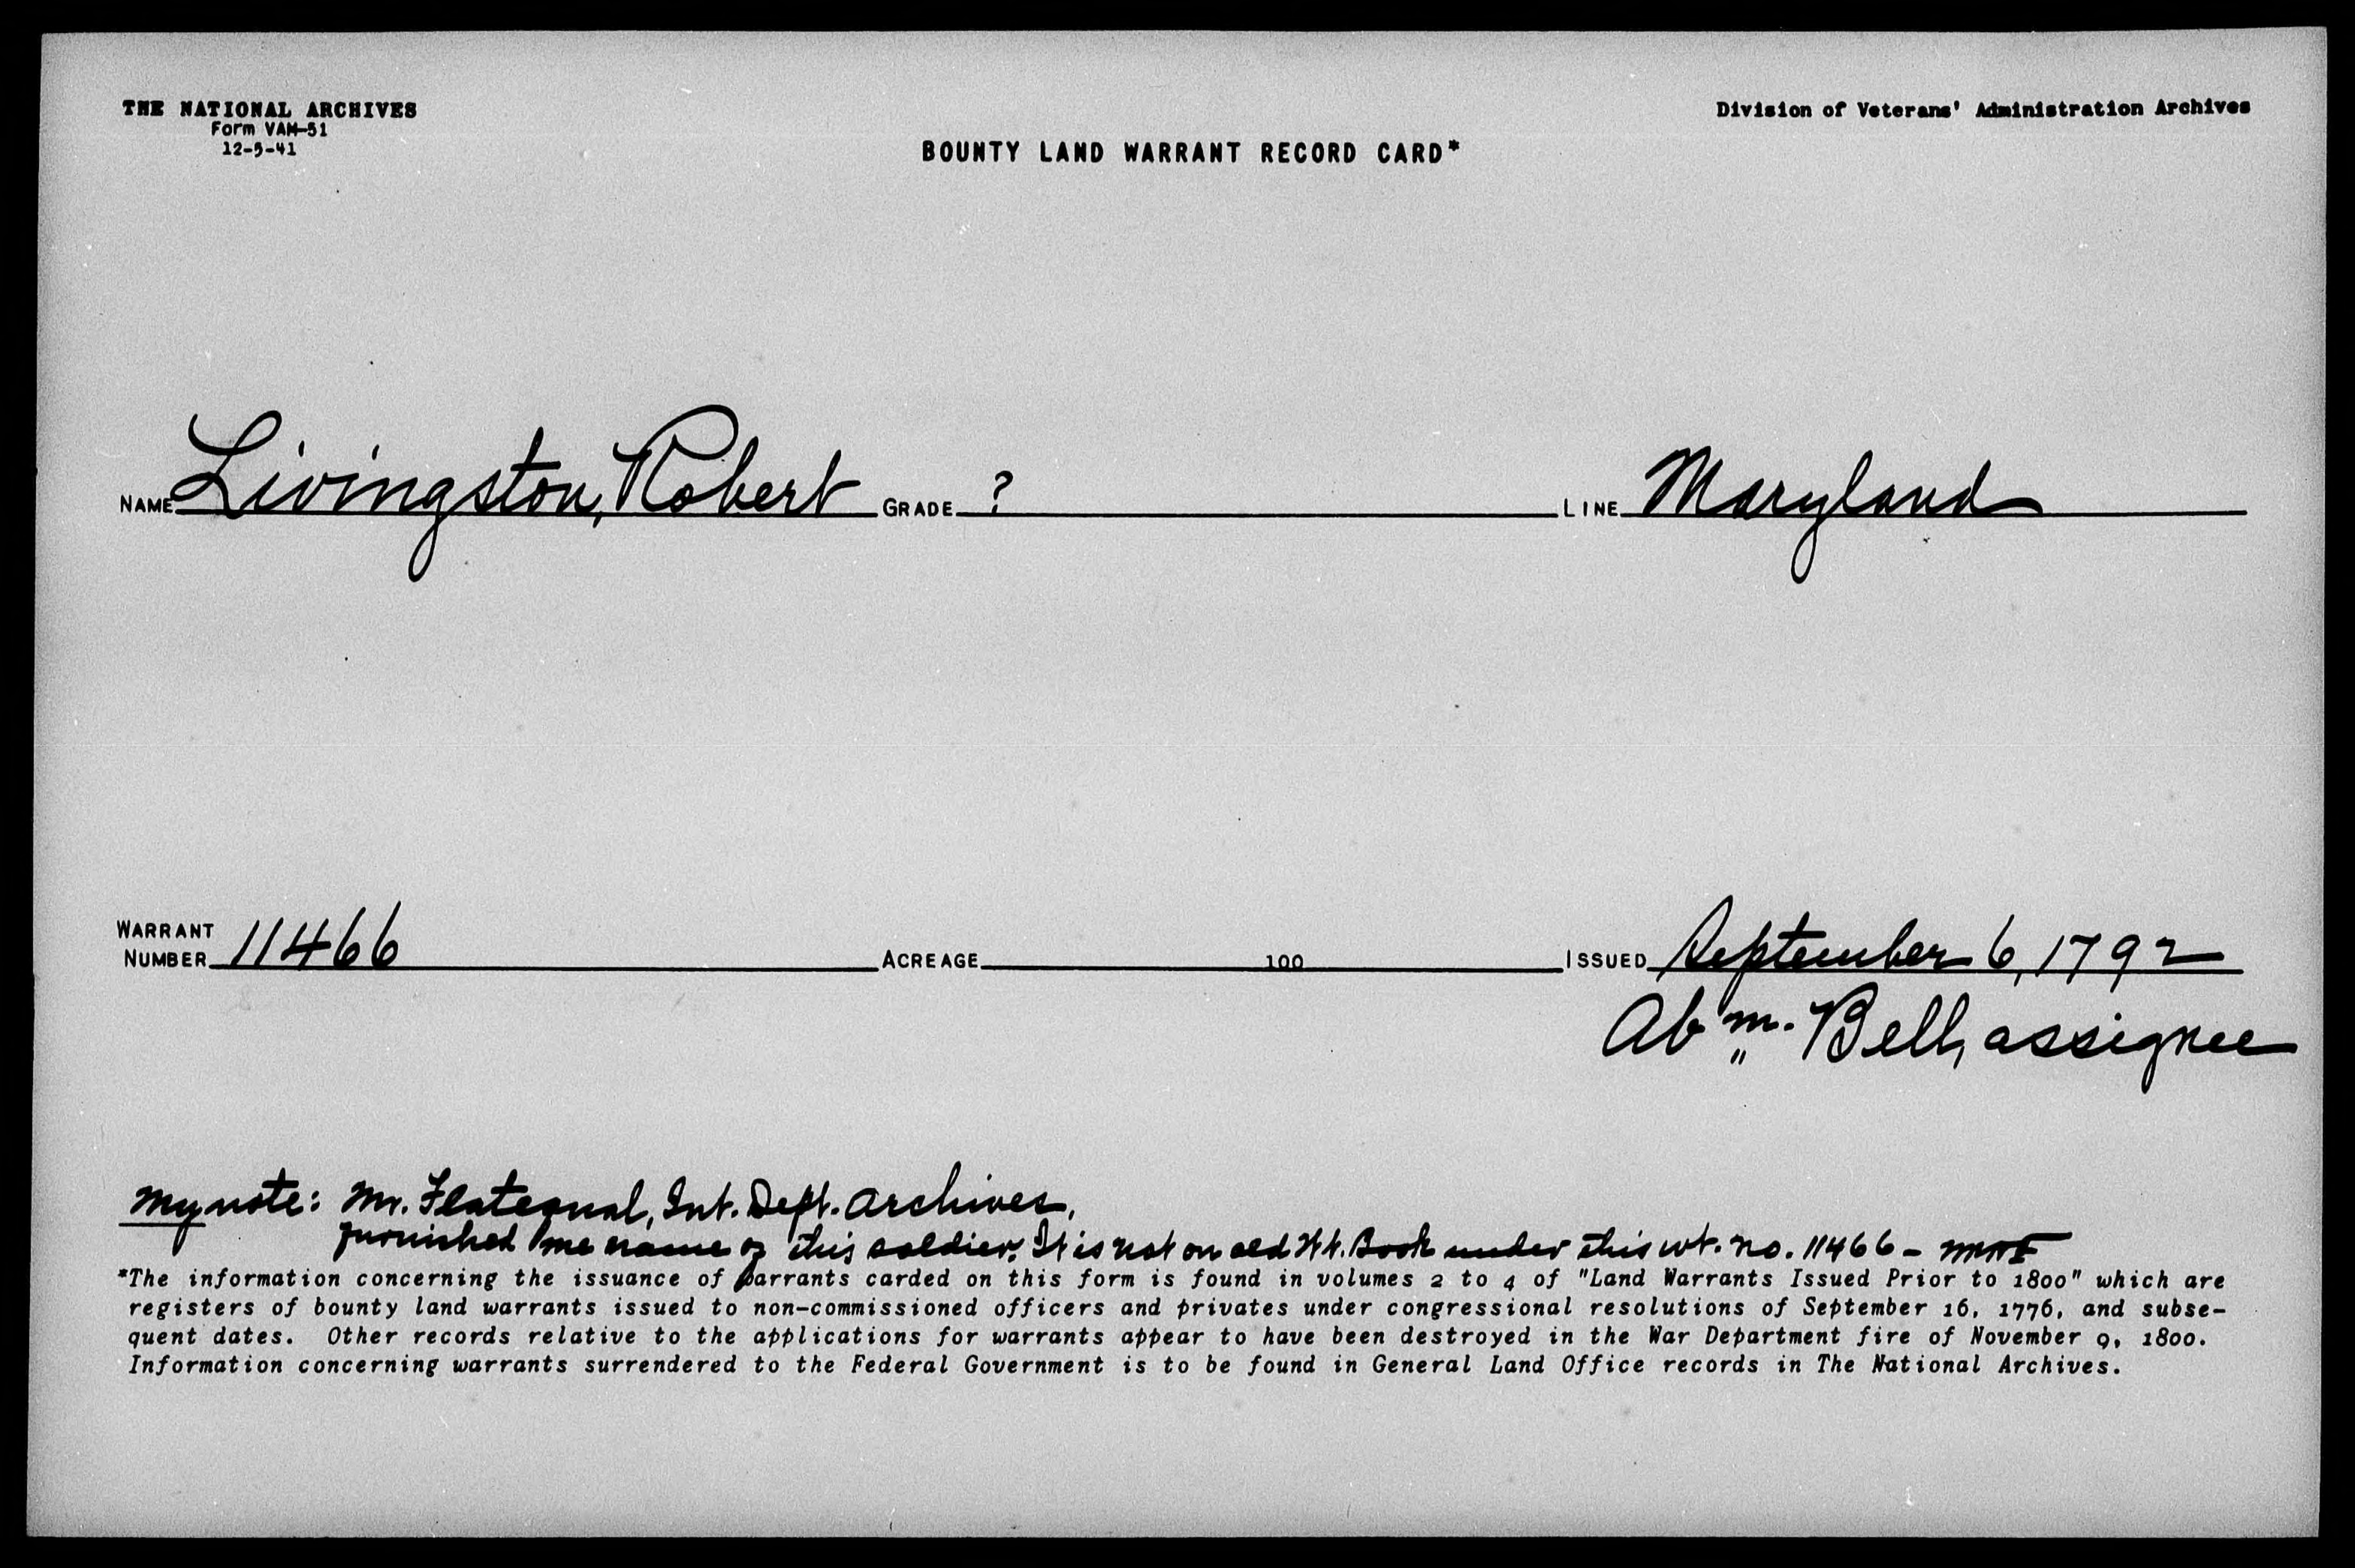THE NATIONAL ARCHIVES
Form VAM-51-
12 - 5 - 41
BOUNTY LAND WARRANT RECORD CARD*
Division of Veterans' Administration Archives
NAME Livingston, Robert
GRADE ?
LINE Maryland
WARRANT NUMBERs 11466
ACREAGE 100
ISSUED September 6, 1792 Abm Bell, assignee
My note: Mr. Flatanal, Int. Dept. Archives, furnished me name of this soldier. It is not on old Wt. Book under the wt. no. 11466. mnf
The information concerning the issuance of warrants carded on this form is found in volumes 2 to 4 of ""Land Warrants Issued Prior to 1800"" which are
registers of bounty land warrants issued to non-commissioned officers and privates under congressional resolutions of September 16, 1776, and subsequent
dates. Other records relative to the applications for warrants appear to have been destroyed in the War Department fire of November 9, 1800.
Information concerning warrants surrendered to the Federal Government is to be found in General Land Office records in The National Archives.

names: Abm Bell; Robert Livingston; [BLANK] Flatequal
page: 22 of 23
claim: survivor's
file: S 42874, for Robert Livingston, Maryland